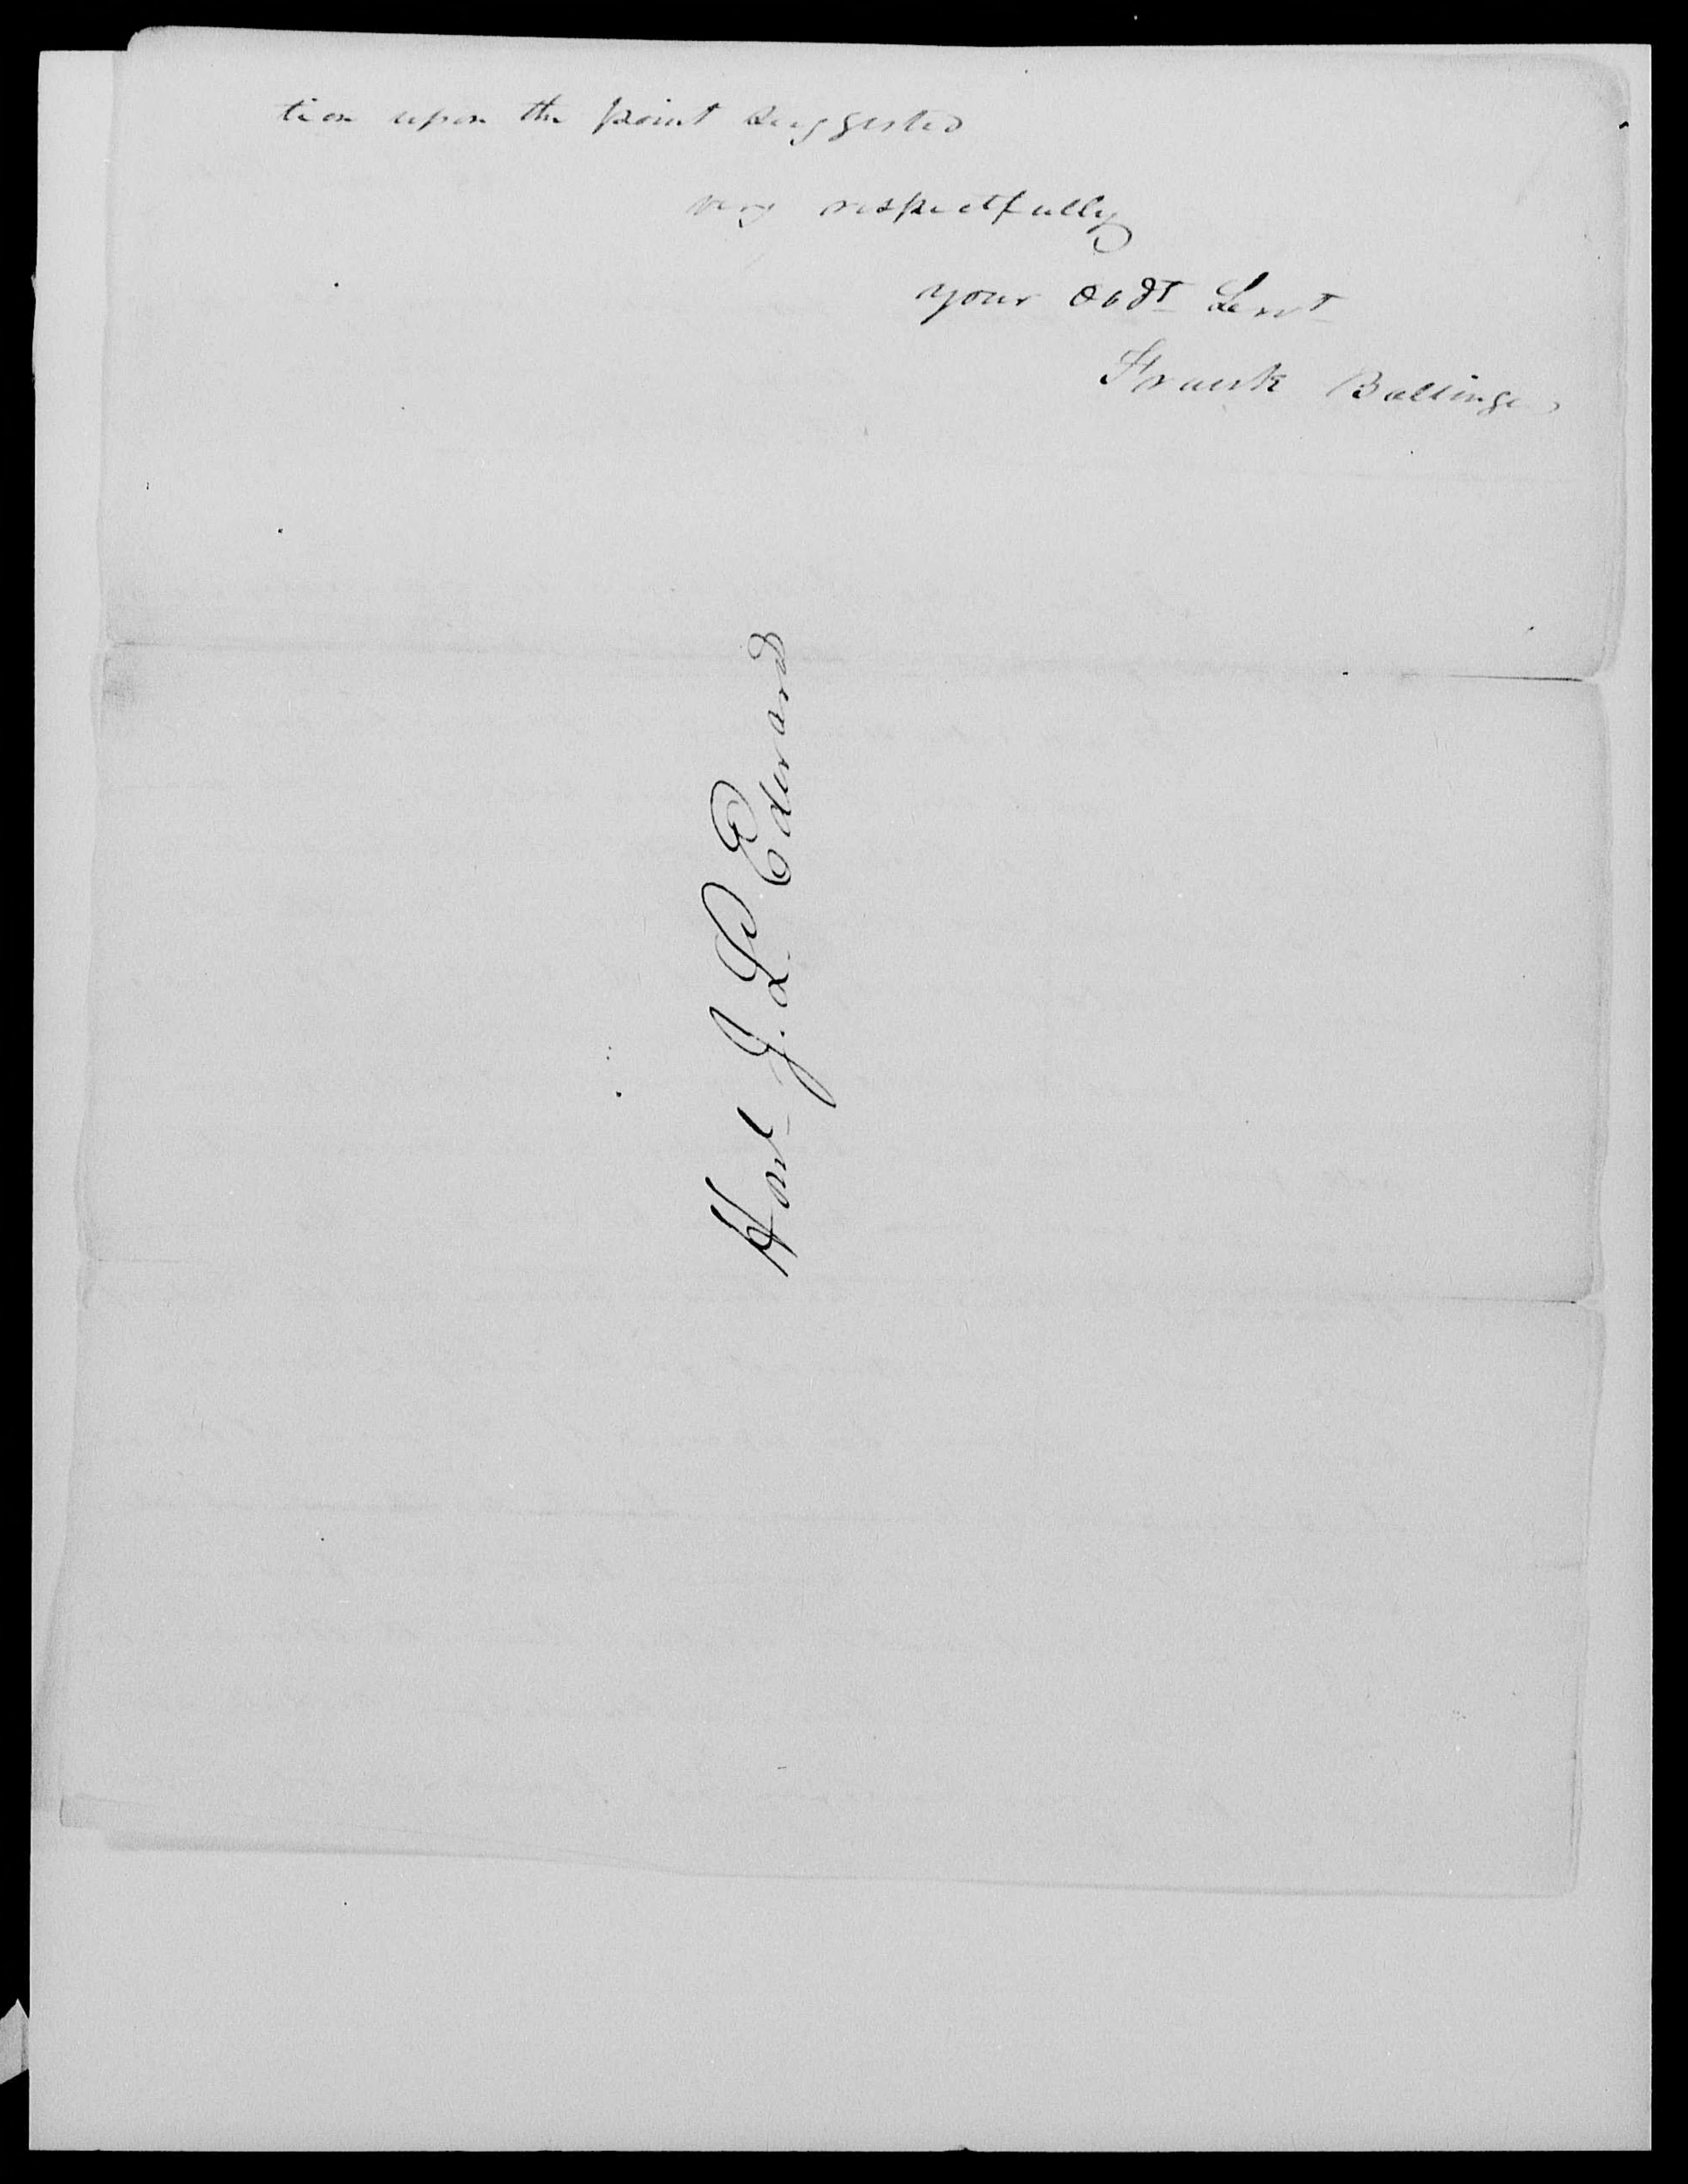upon the point suggested
Very respectfully
Your obdt. Serv.
Frank Ballinger




Honl. J. L. Edwards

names: J L Edwards, Frank Ballinger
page: 23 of 33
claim: survivor's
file: S. 15305, Richard Ballew, N.C.